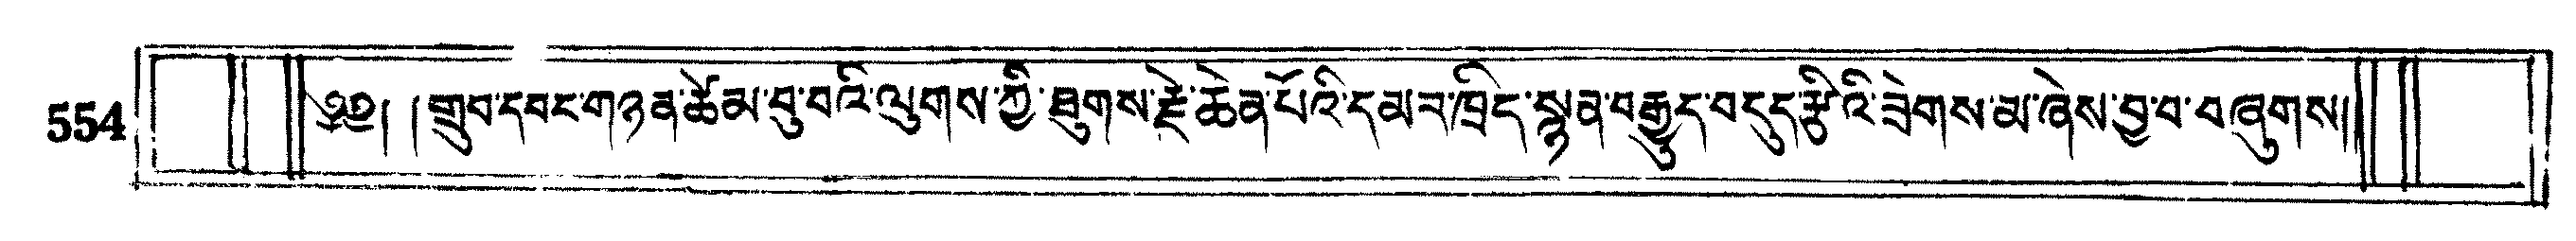༄༅། །གྲུབ་དབང་གཉན་ཚེམ་བུ་བའི་ལུགས་ཀྱི་ཐུགས་རྗེ་ཆེན་པོའི་དམར་ཁྲིད་སྙན་བརྒྱུད་བདུད་རྩིའི་ཟེགས་མ་ཞེས་བྱ་བ་བཞུགས།།